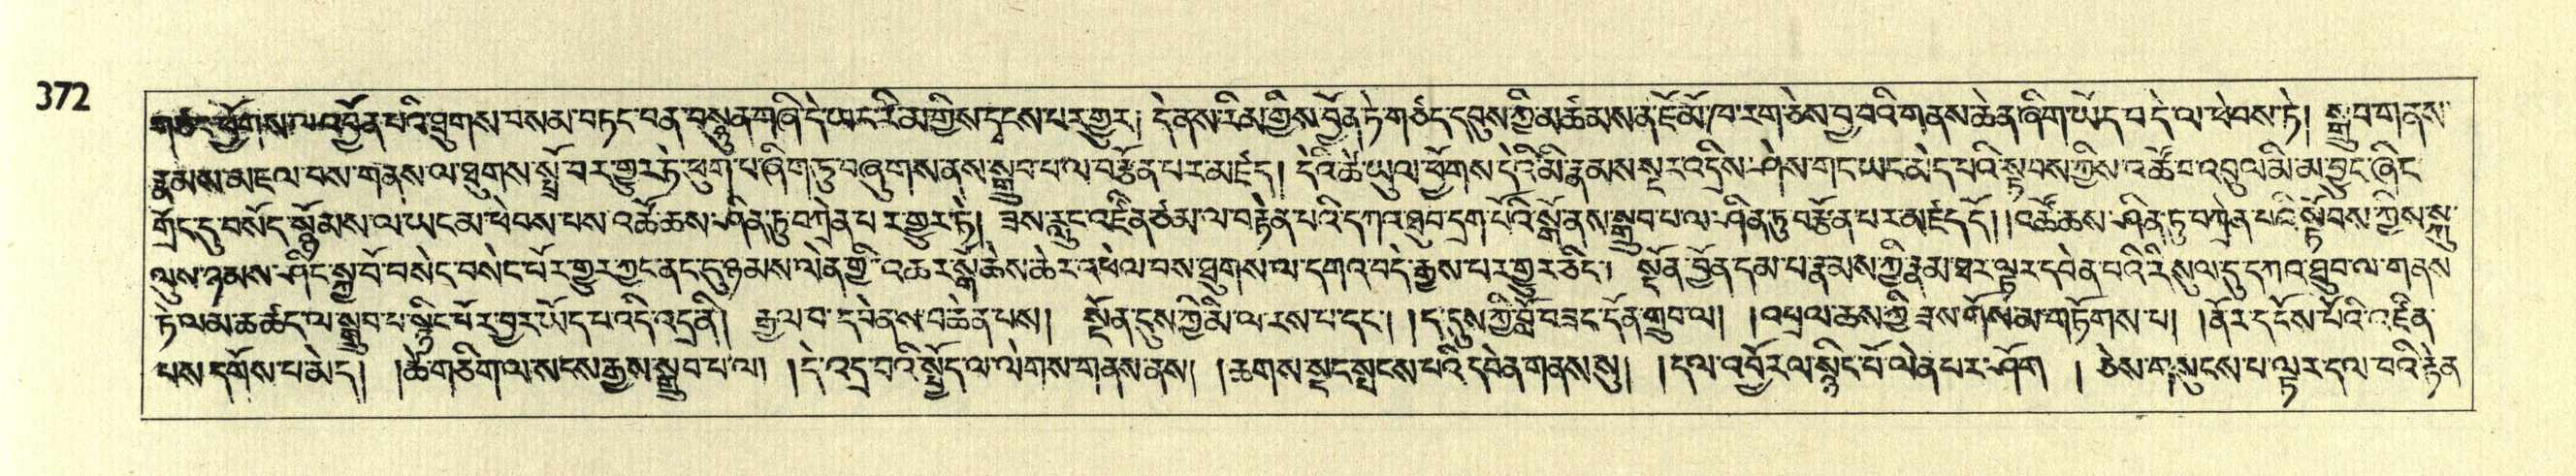གཙང་ཕྱོགས་ལ་འབྱོན་པའི་ཐུགས་བསམ་བཏང་བ་ན་བསྙུན་གཞི་དེ་ཡང་རིམ་གྱིས་དྭངས་པར་གྱུར། དེ་ནས་རིམ་གྱིས་བྱོན་ཏེ་གཙང་དབུས་ཀྱི་མཚམས་ན་ཇོ་མོ་ཁ་རག་ཅེས་བྱ་བའི་གནས་ཆེན་ཞིག་ཡོད་བ་དེ་ལ་ཕེབས་ཏེ། སྒྲུབ་གནས་
རྣམས་མཇལ་བས་གནས་ལ་ཐུགས་སྤྲོ་བར་གྱུར་ཏེ་ཕུག་པ་ཞིག་ཏུ་བཞུགས་ནས་སྒྲུབ་པ་ལ་བརྩོན་པར་མཛད། དེའི་ཚེ་ཡུལ་ཕྱོགས་དེའི་མི་རྣམས་སྔར་འདྲིས་ཤེས་གང་ཡང་མེད་པའི་སྟབས་ཀྱིས་འཚོ་བ་འབུལ་མི་མ་བྱུང་ཞིང་
གྲོང་དུ་བསོད་སྙོམས་ལ་ཡང་མ་ཕེབས་པས་འཚོ་ཆས་ཤིན་ཏུ་བཀྲེན་པར་གྱུར་ཏེ། ཟས་རླུང་འཛིན་ཙམ་ལ་བརྟེན་པའི་དཀའ་ཐུབ་དྲག་པོའི་སྒོ་ནས་སྒྲུབ་པ་ལ་ཤིན་ཏུ་བརྩོན་པར་མཛད་དོ། །འཚོ་ཆས་ཤིན་ཏུ་བཀྲེན་པའི་སྟོབས་ཀྱིས་སྐུ་
ལུས་ཉམས་ཤིང་སྐྱ་བོ་བསེང་བསེང་པོར་གྱུར་ཀྱང་ནང་དུ་ཉམས་ལེན་གྱི་འཆར་སྒོ་ཆེས་ཆེར་འཕེལ་བས་ཐུགས་ལ་དགའ་བདེ་རྒྱས་པར་གྱུར་ཅིང་། སྔོན་བྱོན་དམ་པ་རྣམས་ཀྱི་རྣམ་ཐར་ལྟར་དབེན་པའི་རི་སུལ་དུ་དཀའ་ཐུབ་ལ་གནས་
ཏེ་ལམ་ཆ་ཚད་ལ་སྒྲུབ་པ་སྙིང་པོར་བྱར་ཡོད་པ་འདི་འདྲ་ནི། རྒྱལ་བ་དབེན་ས་བ་ཆེན་པས། སྔོན་དུས་ཀྱི་མི་ལ་རས་པ་དང་། །ད་དུས་ཀྱི་བློ་བཟང་དོན་གྲུབ་ལ། །འཕྲལ་ཆས་ཀྱི་ཟས་གོས་མ་གཏོགས་པ། །ནོར་དངོས་པོའི་འཛིན་
པས་དགོས་པ་མེད། །ཚེ་གཅིག་ལ་སངས་རྒྱས་སྒྲུབ་པ་ལ། །དེ་འདྲ་བའི་སྤྱོད་ལ་ལེགས་གནས་ནས། །ཆགས་སྡང་སྤངས་པའི་དབེན་གནས་སུ། །དལ་འབྱོར་ལ་སྙིང་པོ་ལེན་པར་ཤོག །ཅེས་གསུངས་པ་ལྟར་དལ་བའི་རྟེན་